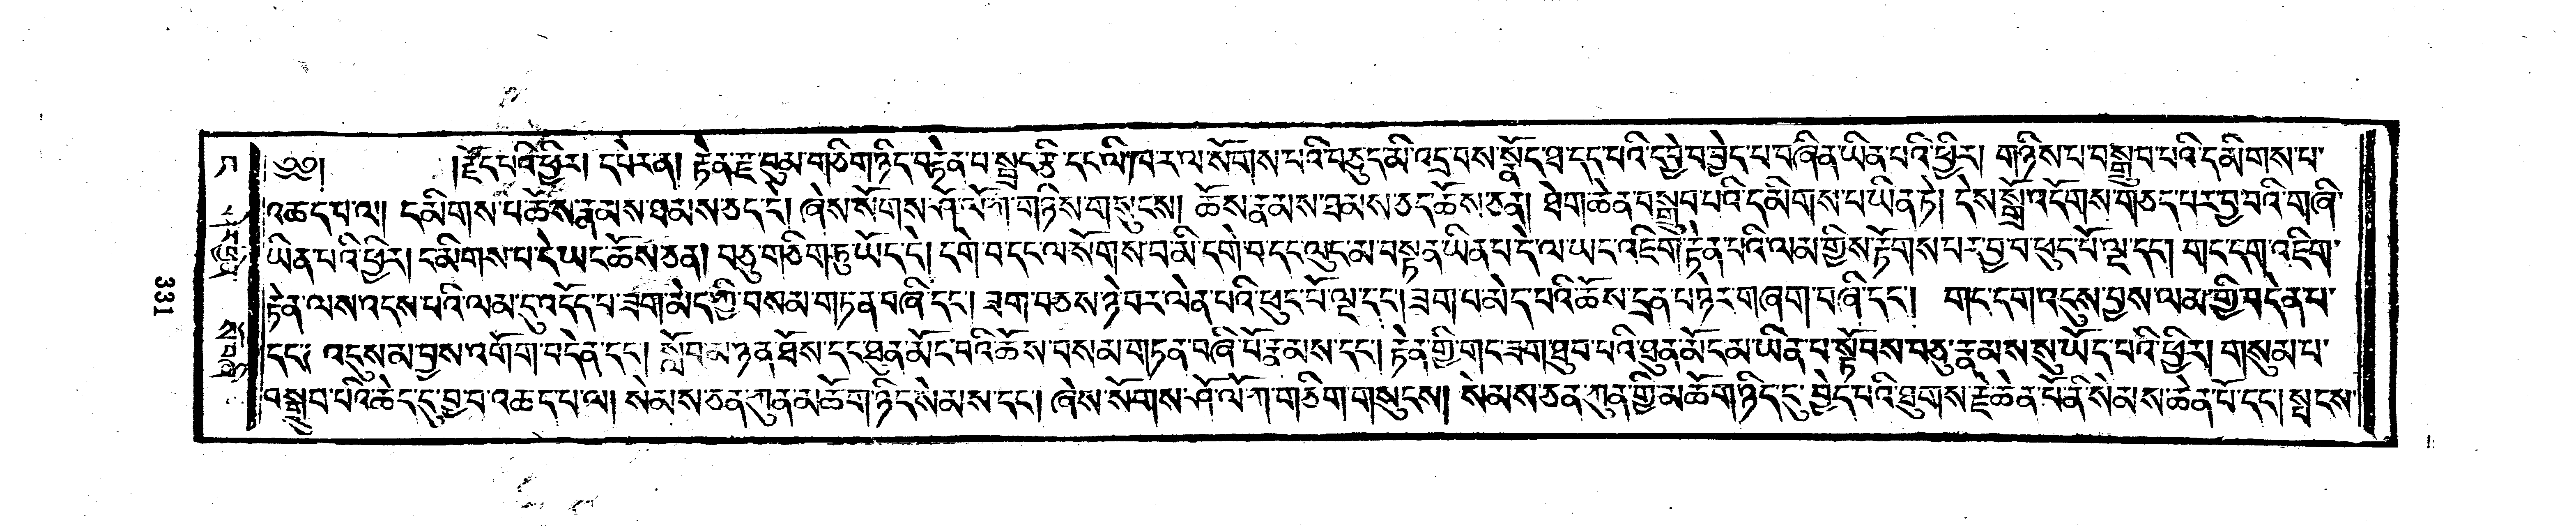༄༅། །རྗོད་པའི་ཕྱིར། དཔེར་ན། རྟེན་རྫ་བུམ་གཅིག་ཉིད་བརྟེན་པ་སྦྲང་རྩི་དང་ལི་ཁར་ལ་སོགས་པའི་བཅུད་མི་འདྲ་བས་སྣོད་ཐ་དད་པའི་དབྱེ་བ་བྱེད་པ་བཞིན་ཡིན་པའི་ཕྱིར། གཉིས་པ་བསྒྲུབ་པའི་དམིགས་པ་
འཆད་པ་ལ། དམིགས་པ་ཆོས་རྣམས་ཐམས་ཅད་དེ། ཞེས་སོགས་ཤོ་ལོ་ཀ་གཉིས་གསུངས། ཆོས་རྣམས་ཐམས་ཅད་ཆོས་ཅན། ཐེག་ཆེན་བསྒྲུབ་པའི་དམིགས་པ་ཡིན་ཏེ། དེས་སྒྲོ་འདོགས་གཅོད་པར་བྱ་བའི་གཞི་
ཡིན་པའི་ཕྱིར། དམིགས་པ་དེ་ཡང་ཆོས་ཅན། བཅུ་གཅིག་ཏུ་ཡོད་དེ། དགེ་བ་དང་ལ་སོགས་པ་མི་དགེ་བ་དང་ལུང་མ་བསྟན་ཡིན་པ་དེ་ལ་ཡང་འཇིག་རྟེན་པའི་ལམ་གྱིས་རྟོགས་པར་བྱ་བ་ཕུང་པོ་ལྔ་དང་། གང་དག་འཇིག་
རྟེན་ལས་འདས་པའི་ལམ་དུ་འདོད་པ་ཟག་མེད་ཀྱི་བསམ་གཏན་བཞི་དང་། ཟག་བཅས་ཉེ་བར་ལེན་པའི་ཕུང་པོ་ལྔ་དང་། ཟག་པ་མེད་པའི་ཆོས་དྲན་པ་ཉེར་གཞག་བཞི་དང་། གང་དག་འདུས་བྱས་ལམ་གྱི་བདེན་པ་
དང་། འདུས་མ་བྱས་འགོག་བདེན་དང་། སློབ་མ་ཉན་ཐོས་དང་ཐུན་མོང་བའི་ཆོས་བསམ་གཏན་བཞི་པོ་རྣམས་དང་། རྟེན་གྱི་གང་ཟག་ཐུབ་པའི་ཐུན་མོང་མ་ཡིན་པ་སྟོབས་བཅུ་རྣམས་སུ་ཡོད་པའི་ཕྱིར། གསུམ་པ་
བསྒྲུབ་པའི་ཆེད་དུ་བྱ་བ་འཆད་པ་ལ། སེམས་ཅན་ཀུན་མཆོག་ཉིད་སེམས་དང་། ཞེས་སོགས་ཤོ་ལོ་ཀ་གཅིག་གསུངས། སེམས་ཅན་ཀུན་གྱི་མཆོག་ཉིད་དུ་བྱེད་པའི་ཐུགས་རྗེ་ཆེན་པོ་ནི་སེམས་ཆེན་པོ་དང་། སྤངས་